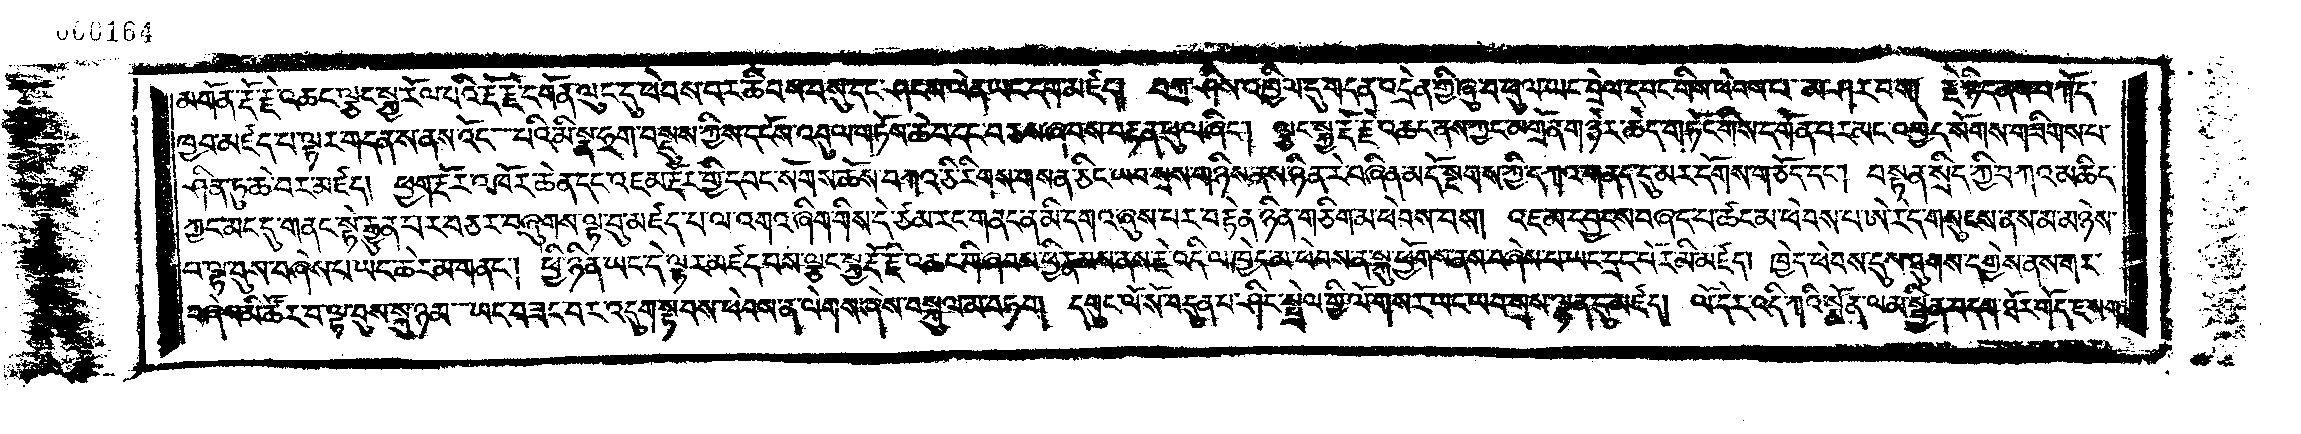མགོན་རྡོ་རྗེ་འཆང་ལྕང་སྐྱ་རོལ་པའི་རྡོ་རྗེ་དགོན་ལུང་དུ་ཕེབས་པར་ཆིབས་བསུ་དང་ཤངས་ལེན་ཡང་དག་མཛད། བཀྲ་ཤིས་འཁྱིལ་དུ་གདན་འདྲེན་གྱི་ཞུ་བ་ཕུལ་ཡང་བྲེལ་དབང་གིས་ཕེབས་པ་མ་ཤར་བས། རྗེ་ཉིད་ནས་བཀོད་
ཁྱབ་མཛད་པ་ལྟར་གདན་ས་ནས་འོང་པའི་མི་སྣ་ཧྲག་བསྡུས་ཀྱིས་དངོས་འབུལ་གཏོས་ཆེ་བ་དང་བཅས་ཞབས་བརྟན་ཕུལ་ཞིང་། ལྕང་སྐྱ་རྡོ་རྗེ་འཆང་ནས་ཀྱང་མགྲོན་གཉེར་ཆེད་གཏོང་གིས་དགོན་པར་མང་འགྱེད་སོགས་གཟིགས་པ་
ཤིན་ཏུ་ཆེ་བར་མཛད། ཕྱག་རྡོར་འཁོར་ཆེན་དང་འཇམ་རྡོར་གྱི་དབང་སོགས་ཆོས་བཀའ་ཅི་རིགས་གསན་ཅིང་ཡབ་སྲས་གཉིས་ནས་ཉིན་རེ་བཞིན་མདོ་སྔགས་ཀྱི་དཀའ་གནད་དུ་མར་དོགས་གཅོད་དང་། བསྟན་སྲིད་ཀྱི་བཀའ་མཆིད་
ཀྱང་མང་དུ་གནང་སྟེ་རྒྱུན་པར་བཅར་བཞུགས་ལྟ་བུ་མཛད་པ་ལ་འགའ་ཞིག་གིས་དེ་ཙམ་རང་གནང་ན་མི་དགའ་ཞུས་པར་བརྟེན་ཉིན་གཅིག་མ་ཕེབས་པས། འཇམ་དབྱངས་བཞད་པ་ཚང་མ་ཕེབས་པ་ཨེ་རེད་གསུངས་ནས་མ་མཉེས་
པ་ལྟ་བུས་བཞེས་པ་ཡང་ཆེར་མ་གནང་། ཕྱི་ཉིན་ཡང་དེ་ལྟར་མཛད་པས་ལྕང་སྐྱ་རྡོ་རྗེ་འཆང་གི་ཞབས་ཕྱི་རྣམས་ནས་རྗེ་འདི་ལ་ཁྱེད་མ་ཕེབས་ན་སྐུ་ཕྱོགས་ནས་བཞེས་པ་ཡང་དྲང་པོར་མི་མཛད། ཁྱེད་ཕེབས་དུས་ཐུགས་དགྱེས་ནས་གར་
བཞེས་མི་ཚོར་བ་ལྟ་བུས་སྐུ་ཉམ་ཡང་བཟང་བར་འདུག་སྟབས་ཕེབས་ན་ལེགས་ཞེས་བསྐུལ་མ་བཏབ། དགུང་ལོ་སོ་བདུན་པ་ཤིང་སྤྲེལ་གྱི་ལོ་གསར་ཡང་ཡབ་སྲས་ལྷན་དུ་མཛད། ལོ་དེར་འདི་ཀའི་སྨོན་ལམ་སྦྱིན་བདག་ཐོར་གོད་ཇ་སག་